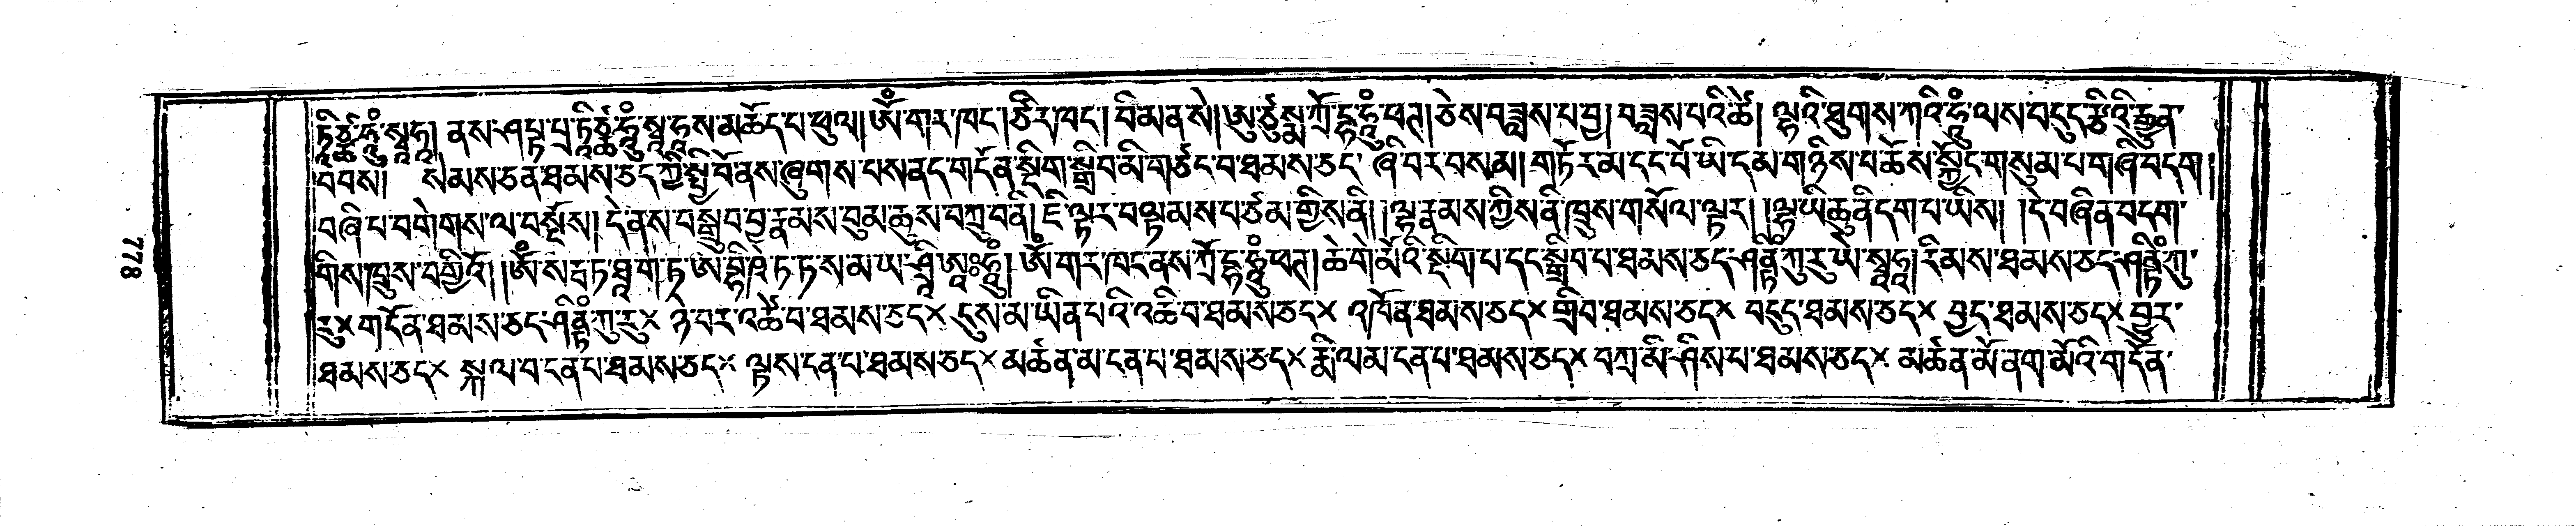ཏཱི་ཙྪ་ཧཱུཾ་སྭཱཧཱ། ནས་ཤཔྟ་པྲ་ཏཱི་ཙྪ་ཧཱུཾ་སྭཱ་ཧཱས་མཆོད་པ་ཕུལ། ཨོཾ་གར་ཁང་། ཙིར་ཁང་། བི་མ་ན་སེ། ཨུ་ཙུ་སྨ་ཀྲོ་དྷ་ཧཱུཾ་ཕཊ། ཅེས་བཟླས་པ་བྱ། བཟླས་པའི་ཚེ། ལྷའི་ཐུགས་ཀའི་ཧཱུཾ་ལས་བདུད་རྩིའི་རྒྱུན་
བབས། སེམས་ཅན་ཐམས་ཅད་ཀྱི་སྤྱི་བོ་ནས་ཞུགས་པས་ནད་གདོན་སྡིག་སྒྲིབ་མི་གཙང་བ་ཐམས་ཅད་ཞི་བར་བསམ། གཏོར་མ་དང་པོ་ཡི་དམ་གཉིས་པ་ཆོས་སྐྱོང་གསུམ་པ་གཞི་བདག །
བཞི་པ་བགེགས་ལ་བསྔོས། དེ་ནས་བསྒྲུབ་བྱ་རྣམས་བུམ་ཆུས་བཀྲུ་བ་ནི། ཇི་ལྟར་བལྟམས་པ་ཙམ་གྱིས་ནི། །ལྷ་རྣམས་ཀྱིས་ནི་ཁྲུས་གསོལ་ལྟར། །ལྷ་ཡི་ཆུ་ནི་དག་པ་ཡིས། །དེ་བཞིན་བདག་
གིས་ཁྲུས་བགྱིའོ། །ཨོཾ་སརྦ་ཏ་ཐཱ་ག་ཏ་ཨ་བྷི་ཥེ་ཏ་ཏ་ས་མ་ཡ་ཤྲཱི་ཨཱཿ ཧཱུཾ། ཨོཾ་གར་ཁང་ནས་ཀྲོ་དྷ་ཧཱུཾ་ཕཊ། ཆེ་གེ་མོའི་སྡིག་པ་དང་སྒྲིབ་པ་ཐམས་ཅད་ཤནྟི་ཀུ་རུ་ཡེ་སྭཱཧཱ། རིམས་ཐམས་ཅད་ཤནྟིཾ་ཀུ་
རུ་྾་གདོན་ཐམས་ཅད་ཤནྟིཾ་ཀུ་རུ་྾་ཉེ་བར་འཚེ་བ་ཐམས་ཅད་྾་དུས་མ་ཡིན་པའི་འཆི་བ་ཐམས་ཅད་྾་འཁོན་ཐམས་ཅད་྾་གྲིབ་ཐམས་ཅད་྾་བདུད་ཐམས་ཅད་྾་བྱད་ཐམས་ཅད་྾་བྱུར་
ཐམས་ཅད་྾་སྐལ་བ་ངན་པ་ཐམས་ཅད་྾་ལྟས་ངན་པ་ཐམས་ཅད་྾་མཚན་མ་ངན་པ་ཐམས་ཅད་྾་རྨི་ལམ་ངན་པ་ཐམས་ཅད་྾་བཀྲ་མི་ཤིས་པ་ཐམས་ཅད་྾་མཚན་མོ་ནག་མོའི་གདོན་